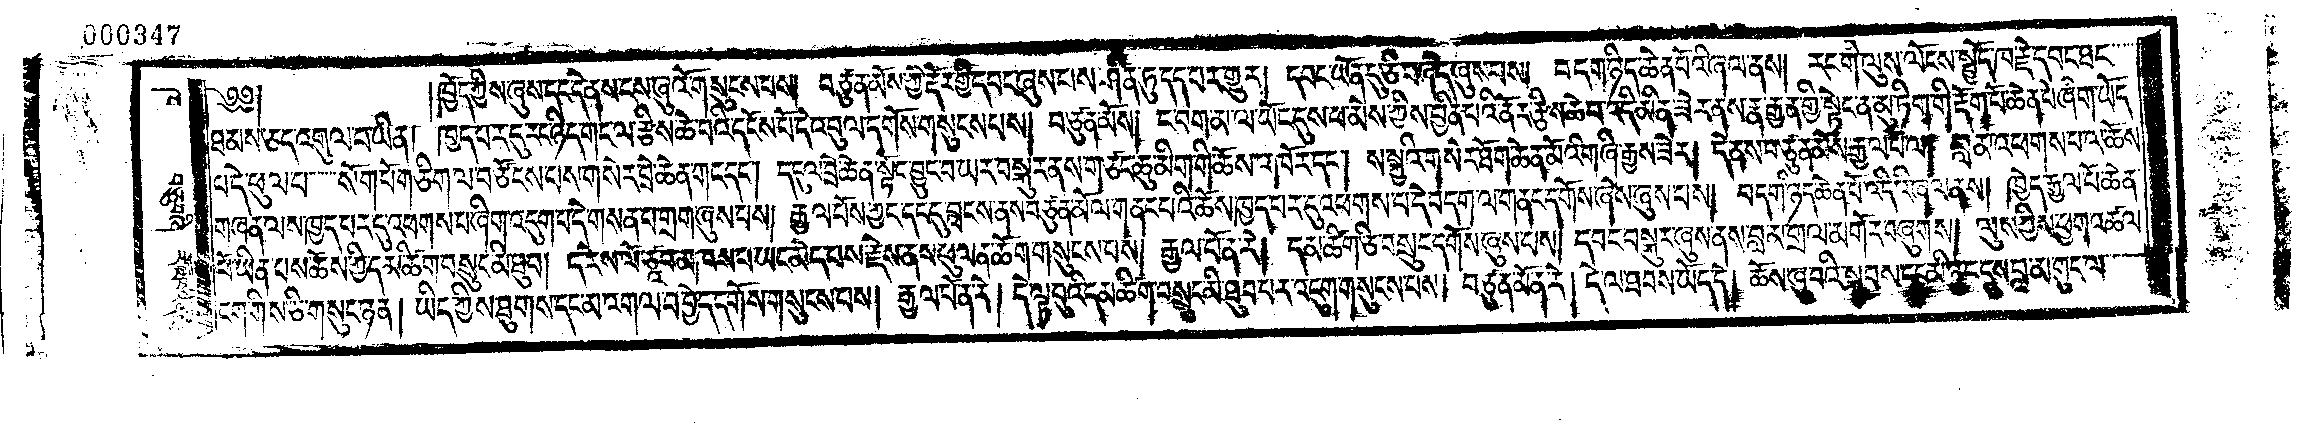༄༅། །ཁྱོད་ཀྱིས་ཞུས་དང་དེ་ནས་ངས་ཞུའོ་གསུངས་པས། བཙུན་མོས་ཀྱཻ་རྡོར་གྱི་དབང་ཞུས་པས་ཤིན་ཏུ་དད་པར་གྱུར། དབང་ཡོན་དུ་ཅི་བཞེད་ཞུས་པས། བདག་ཉིད་ཆེན་པོའི་ཞལ་ནས། རང་གི་ལུས་ལོངས་སྤྱོད་ཁ་རྗེ་དབང་ཐང་
ཐམས་ཅད་འབུལ་བ་ཡིན། ཁྱད་པར་དུ་རང་ཉིད་གང་ལ་རྩིས་ཆེ་བའི་དངོས་པོ་དེ་འབུལ་དགོས་གསུངས་པས། བཙུན་མོས། ང་བག་མ་ལ་ཡོང་དུས་ཕ་མེས་ཀྱིས་བྱིན་པའི་ནོར་རྩིས་ཆེ་བ་འདི་ཡིན་ཟེར་ནས་རྣ་རྒྱན་གྱི་སྟེང་ན་མུ་ཏིག་གི་རྡོག་པོ་ཆེན་པོ་ཞིག་ཡོད་
པ་དེ་ཕུལ་པ་སོག་པོ་གཅིག་ལ་བཙོངས་པས་གསེར་བྲེ་ཆེན་གང་དང་། དངུལ་བྲེ་ཆེན་སྟོང་བྱུང་བ་ཡར་བསྐུར་ནས་གཙང་ཆུ་མིག་གི་ཆོས་འཁོར་དང་། ས་སྐྱའི་གསེར་ཐོག་ཆེན་མོའི་གཞི་བྱས་ཟེར། དེ་ནས་བཙུན་མོས་རྒྱལ་པོ་ལ། བླ་མ་འཕགས་པ་ལ་ཆོས་
གཞན་ལས་ཁྱད་པར་དུ་འཕགས་པ་ཞིག་འདུག་པ་དེ་གསན་པ་གྲག་ཞུས་པས། རྒྱལ་པོས་ཀྱང་དང་དུ་བླངས་ནས་བཙུན་མོ་ལ་གནང་པའི་ཆོས་ཁྱད་པར་དུ་འཕགས་པ་དེ་བདག་ལ་གནང་དགོས་ཞེས་ཞུས་པས། བདག་ཉིད་ཆེན་པོ་འདིའི་ཞལ་ནས། ཁྱེད་རྒྱལ་པོ་ཆེན་
པོ་ཡིན་པས་ཆོས་ཀྱི་དམ་ཚིག་བསྲུང་མི་ཐུབ། ད་རེས་ལོ་ཙཱ་བ་མཁས་པ་ཡང་མེད་པས་རྗེས་ནས་ཕུལ་ན་ཆོག་གསུངས་པས། རྒྱལ་པོ་ན་རེ། དམ་ཚིག་ཅི་བསྲུང་དགོས་ཞུས་པས། དབང་བསྐུར་ཞུས་ནས་བླ་མ་གྲལ་མགོར་བཞུགས། ལུས་ཀྱིས་ཕྱག་འཚལ།
ངག་གིས་ཅི་གསུང་ཉན། ཡིད་ཀྱིས་ཐུགས་དང་མ་འགལ་བ་བྱེད་དགོས་གསུངས་པས། རྒྱལ་པོ་ན་རེ། དེ་ལྟ་བུའི་དམ་ཚིག་བསྲུང་མི་ཐུབ་པར་འདུག་གསུངས་པས། བཙུན་མོ་ན་རེ། དེ་ལ་ཐབས་ཡོད་དེ། ཆོས་ཞུ་བའི་སྐབས་དང་མི་ཉུང་དུས་བླ་མ་གུང་ལ་